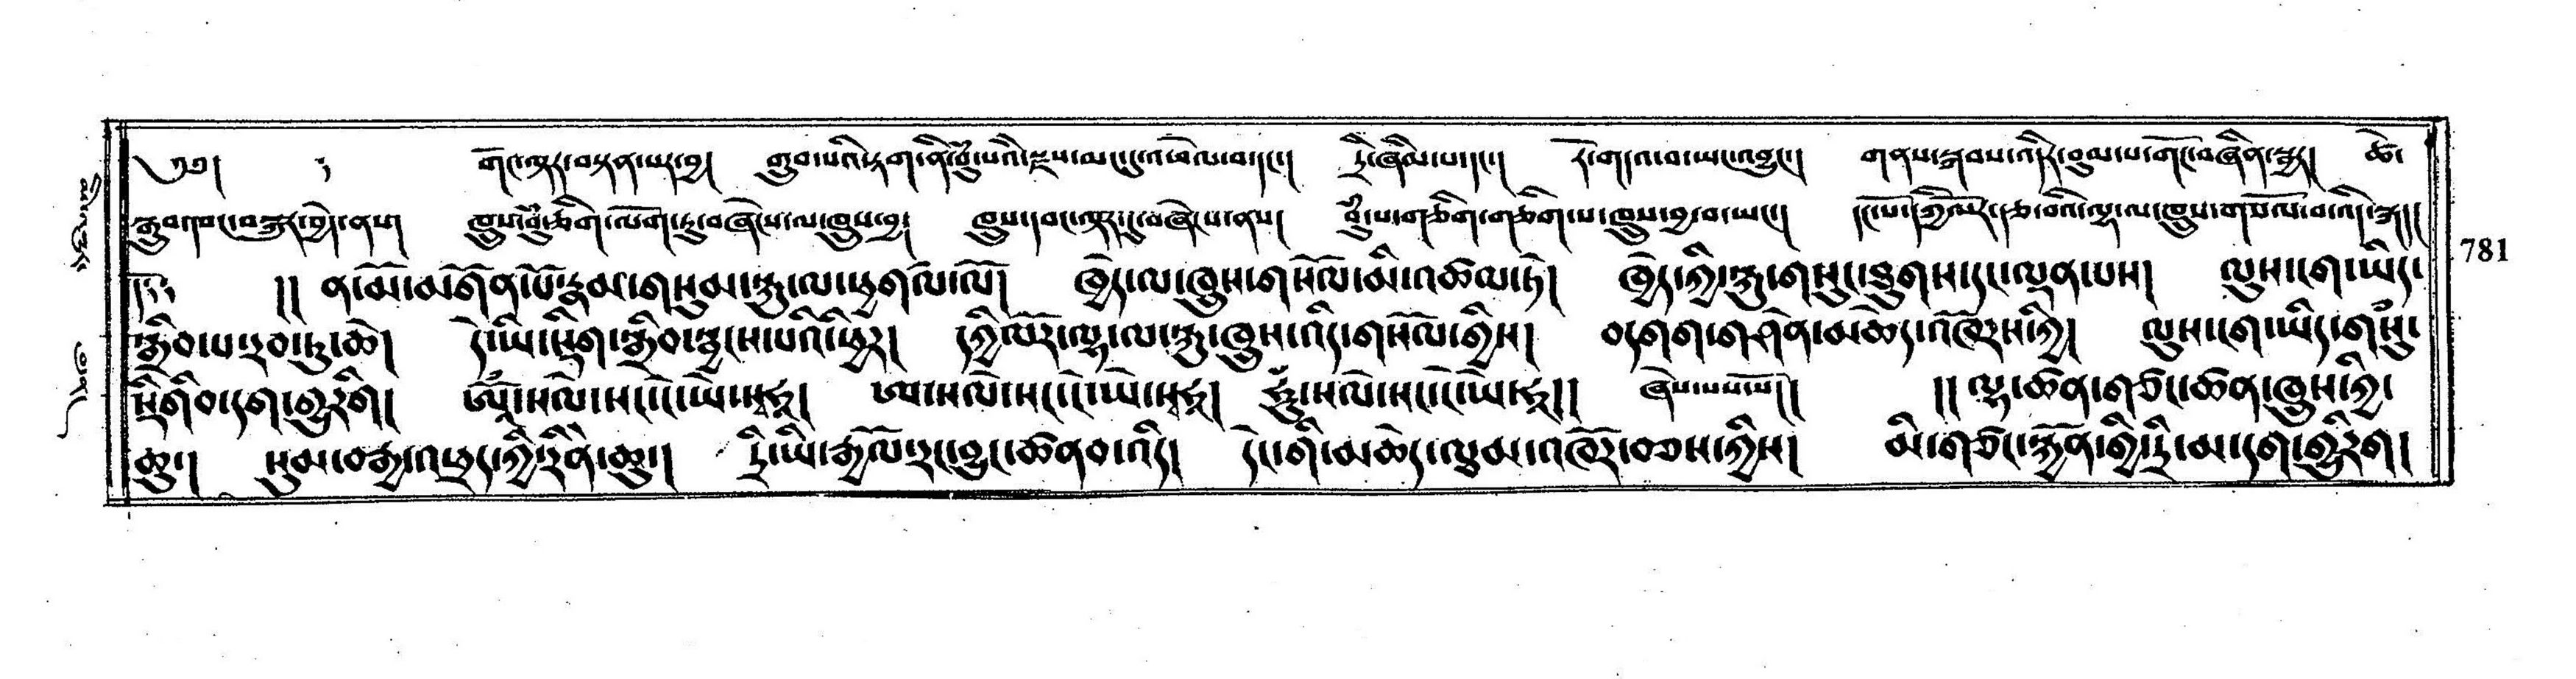གོང་ལྟར་བསྟན་པར་བྱ། གྲུབ་པའི་རྟག་ནི་བུམ་པའི་རྫས་མང་དུ་འཕེལ་བ་དང་། དྲི་ཞིམ་པ་དང་། རོ་གདའ་བ་ཡང་འབྱུང་། གནས་སྐབས་འདིར་བུམ་པ་གོང་བཞིན་སྦྱར། ཚེ་
སྒྲུབ་དབང་བསྐུར་བྱེད་ནས། ཁྲུས་བུམ་ཅིག་ལོག་ཏུ་བཞེངས་ལ་ཁྲུས་བྱ། ཁྲུས་དབང་ལྟར་དུ་བཞེངས་ནས། བུམ་པ་གཅིག་གཅིག་པ་ཁྲུས་བྱ་བ་ཡང་། དང་པོ་དཀྱིལ་འཁོར་རྩ་བའི་ལྷ་ལ་ཁྲུས་གསོལ་བ་འདི་སྐད་
དོ།། །།ན་མོ་མགོན་པོ་རྣམ་གསུམ་སྐུ་ལ་ཕྱག་འཚལ་ལོ། ཁྱེད་ལ་ཁྲུས་གསོལ་མི་འཚལ་ཏེ། ཁྱེད་ཀྱི་སྐུ་གསུང་ཐུགས་དང་ལྡན་པས། ལུས་ངག་ཡིད་
སྒྲིབ་པ་རབ་ཏུ་ཆེ། དེ་ཡི་སྡིག་སྒྲིབ་སྦྱངས་པའི་ཕྱིར། དཀྱིལ་འཁོར་ལྷ་ལ་སྐུ་ཁྲུས་འདི་གསོལ་གྱིས། བདག་ཅག་གཤེན་མཆེད་འཁོར་བཅས་ཀྱི། ལུས་ངག་ཡིད་གསུམ་
སྡིག་སྒྲིབ་དག་གྱུར་ཅིག ཨཱོཾ་སལེ་སང་ངེ་ཡེ་སྭཧཱ། ཨ་སལེ་སང་ངེ་ཡེ་སྭཧཱ། ཧཱུཾ་སལེ་སང་ངེ་ཡེ་སྭཧཱ།། ཞེས་པས་སོ།། །།ལྷ་ཚན་གཙང་ཚན་ཁྲུས་ཀྱི་
ཆུ། སུམ་བརྒྱ་འཕྲད་ཀྱི་རིན་ཆེན་ཆུ། དྲི་ཡི་རྒྱལ་པོ་རང་བྱུང་ཚན་ཆབ་འདི། དེང་གི་མཆེད་ལྕམ་འཁོར་བཅས་ཀྱིས། མི་གཙང་སྐྱོན་གྱི་དྲི་མ་དག་གྱུར་ཅིག